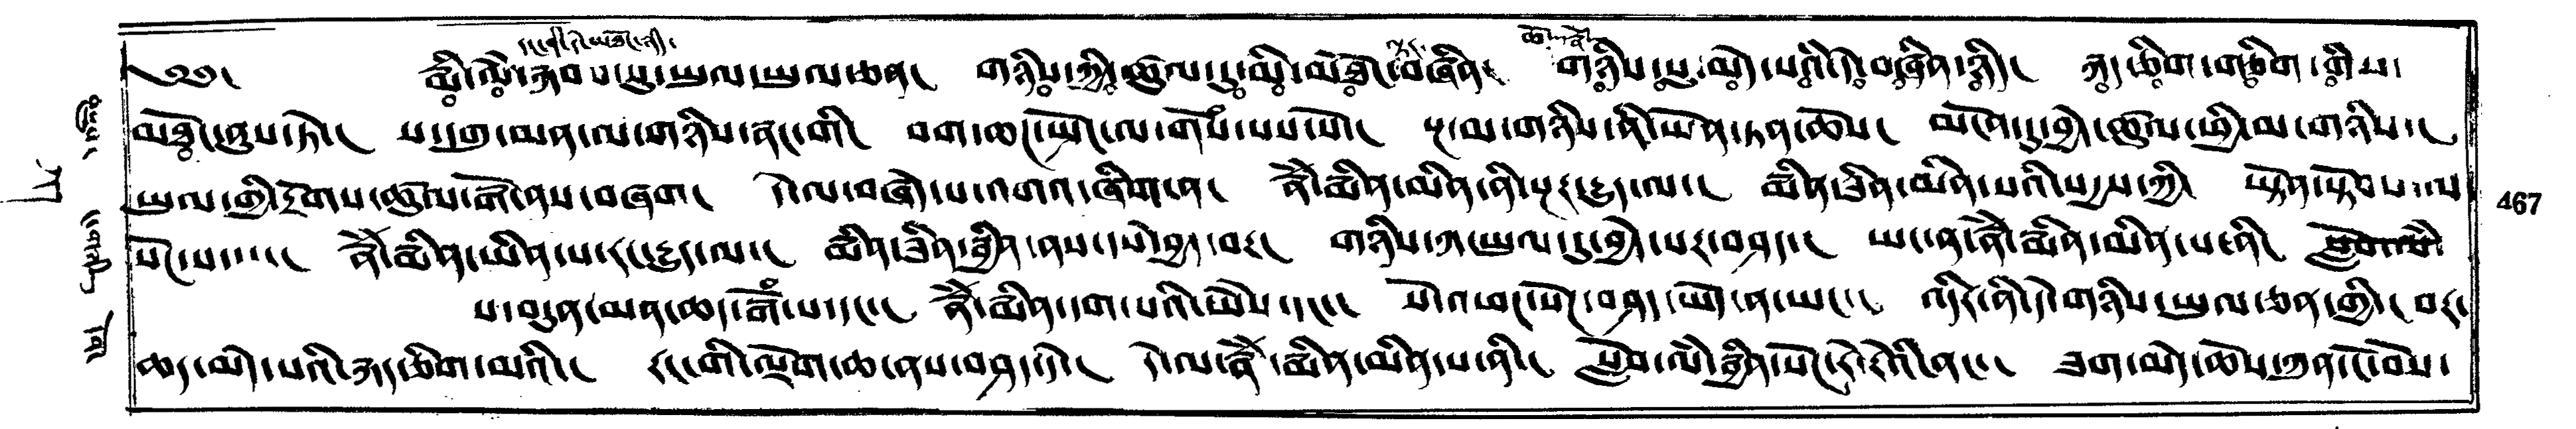རྨི་ལམ་རང་གི་དེ་མཐོང་ཉིད་སྐབས་སུ་ཡུལ་ཡུལ་ཅན། །གཉིས་ཀྱི་ཚུལ་དུ་མི་མཐོང་ལྟར་བཞིན།། ཆོས་རྣམས་གཉིས་སུ་མེད་པའི་དེ་བཞིན་ཉིད། །སྐད་ཅིག་གཅིག་གིས་
མཐོང་ནུས་ཏེ། །ས་དགུ་མན་ལ་གཉིས་སྣང་གི། །བག་ཆགས་སྤོང་ལ་གོམས་པས་སོ། །སྔ་མ་གཉིས་ནི་ཡོན་ཏན་ཆོས། །མངོན་དུ་བྱེད་ཚུལ་ཕྱི་མ་གཉིས། །
ཡུལ་གྱི་རྟོགས་ཚུལ་སྒོ་ནས་བཞག།དེ་ལ་བཞེད་པ་འགའ་ཞིག་ན། །རྣམ་སྨིན་མིན་ནི་སྔར་རྒྱུད་ལ། །སྨིན་ཟིན་མིན་པའི་སངས་རྒྱས་ཀྱི། །ཡོན་ཏན་སྟོབས་ལ་
སོགས་པ་དང་། །རྣམ་སྨིན་ཡིན་པ་རང་རྒྱུད་ལ། །སྨིན་ཟིན་སྦྱིན་ནས་དཔེ་བྱད་བར། །གཉིས་ཀ་ཡུལ་དུ་བྱེད་པར་བཤད། །ཡང་ན་རྣམ་སྨིན་མིན་པ་ནི། །
ས་བདུན་མན་ཆད་སྒོམ་པ་དང་། །རྣམ་སྨིན་དག་པའི་ཡེ་ཤེས་དང་། །སོ་འཕགས་སོགས་བཤད་ཡོད་ན་ཡང་། །འདིར་ནི་དེ་གཉིས་ཡུལ་ཅན་གྱི། །བར་
ཆད་མེད་པའི་སྐད་ཅིག་མའི། །རང་གི་ལྡོག་ཆ་ནས་བཤད་དེ། །དེ་ལ་རྣམ་སྨིན་མིན་པ་ནི། །སློབ་ལམ་སྦྱིན་སོགས་རེ་རེའི་ནང་། །ཟག་མཻད་ཆོས་ཀུན་ངོ་བོས་